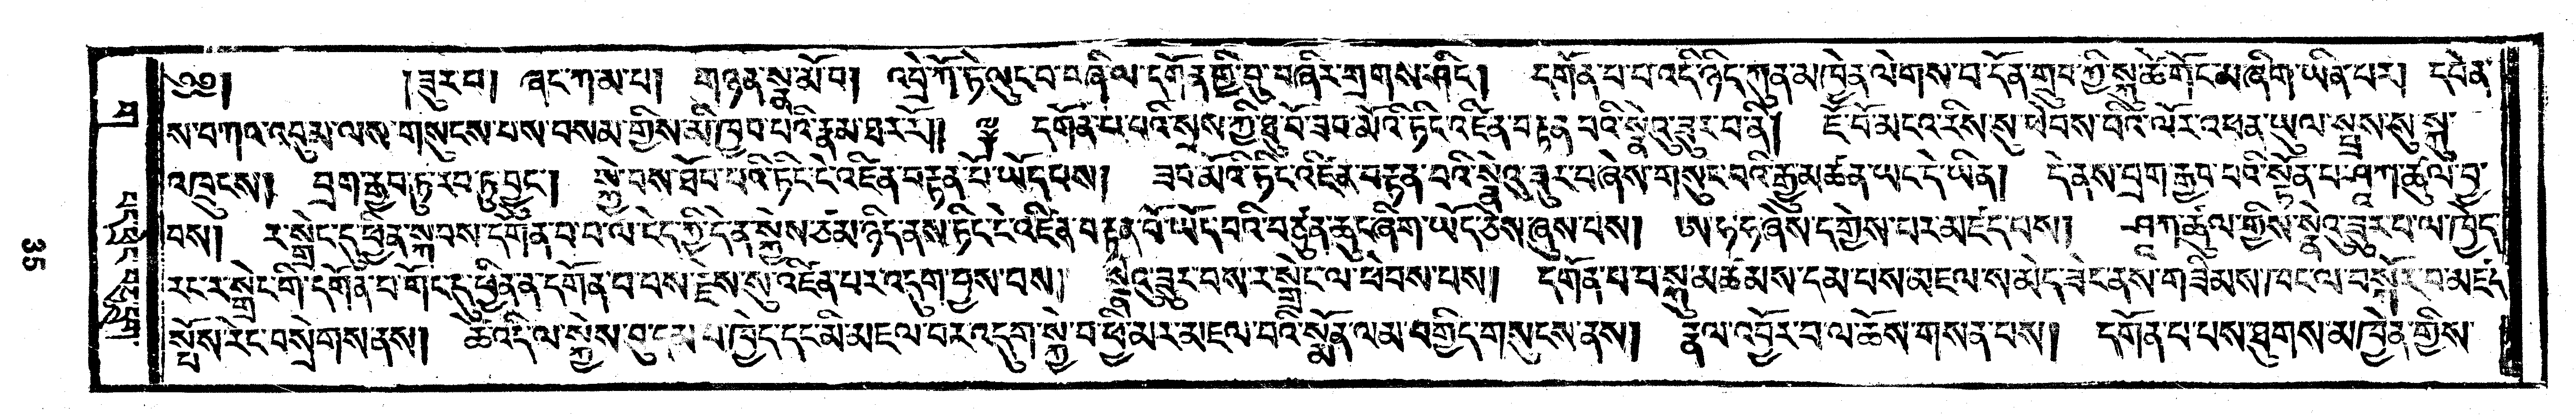༄༅། །ཟུར་བ། ཞང་ཀ་མ་པ། གཉན་སྣ་མོ་བ། འབྲེ་ཀོ་ཏེ་ལུང་བ་བཞི་ལ་དགོན་གྱི་བུ་བཞིར་གྲགས་ཤིང་། དགོན་པ་པ་འདི་ཉིད་ཀུན་མཁྱེན་ལེགས་བ་དོན་གྲུབ་ཀྱི་སྐུ་ཚེ་གོང་མ་ཞིག་ཡིན་པར། དབེན་
ས་བཀའ་འབུམ་ལས་གསུངས་པས་བསམ་གྱིས་མི་ཁྱབ་པའི་རྣམ་ཐར་རོ།། ༈ དགོན་པ་པའི་སྲས་ཀྱི་ཐུ་བོ་ཟབ་མོའི་ཏིང་ངེ་འཛིན་བརྟན་པའི་སྣེའུ་ཟུར་བ་ནི། ཇོ་བོ་མངའ་རིས་སུ་ཕེབས་པའི་ལོར་འཕན་ཡུལ་སྦྲས་སུ་སྐུ་
འཁྲུངས། བྲག་རྒྱབ་ཏུ་རབ་ཏུ་བྱུང་། སྐྱེ་བས་ཐོབ་པའི་ཏིང་ངེ་འཛིན་བརྟན་པོ་ཡོད་པས། ཟབ་མོའི་ཏིང་འཛིན་བརྟན་པའི་སྣེའུ་ཟུར་བ་ཞེས་གསུང་བའི་རྒྱུ་མཚན་ཡང་དེ་ཡིན། དེ་ནས་བྲག་རྒྱབ་པའི་སྟོན་པ་ཤཱཀ་ཚུལ་བྱ་
པས། ར་སྒྲེང་དུ་ཕྱིན་སྐབས་དགོན་བ་བ་ལ་ངེད་ཀྱི་དེ་ན་སྐྱེས་ཙམ་ཉིད་ནས་ཏིང་ངེ་འཛིན་བརྟན་པོ་ཡོད་པའི་བཙུན་ཆུང་ཞིག་ཡོད་ཅེས་ཞུས་པས། ཨ་ཧ་ཧ་ཞེས་དགྱེས་པར་མཛད་པས། ཤཱཀ་ཚུལ་གྱིས་སྣེའུ་ཟུར་བ་ལ་ཁྱེད་
རང་ར་སྒྲེང་གི་དགོན་པ་གོང་དུ་ཕྱིན་ན་དགོན་པ་བས་རྗེས་སུ་འཛིན་པར་འདུག་བྱས་པས། སྣེའུ་ཟུར་བས་ར་སྒྲེང་ལ་ཕེབས་པས། དགོན་པ་བ་སྐུ་མཚམས་དམ་པས་མཇལ་ས་མེད་ཟེར་ནས་གཟིམས་ཁང་ལ་བསྐོར་བ་མཛད་
སྦོས་རེང་བསྲེགས་ནས། ཚེ་འདི་ལ་སྐྱེས་བུ་དམ་པ་ཁྱེད་དང་མི་མཇལ་བར་འདུག་སྐྱེ་བ་ཕྱི་མར་མཇལ་པའི་སྨོན་ལམ་བགྱིད་གསུངས་ནས། རྣལ་འབྱོར་བ་ལ་ཆོས་གསན་པས། དགོན་པས་ཐུགས་མཁྱེན་གྱིས་